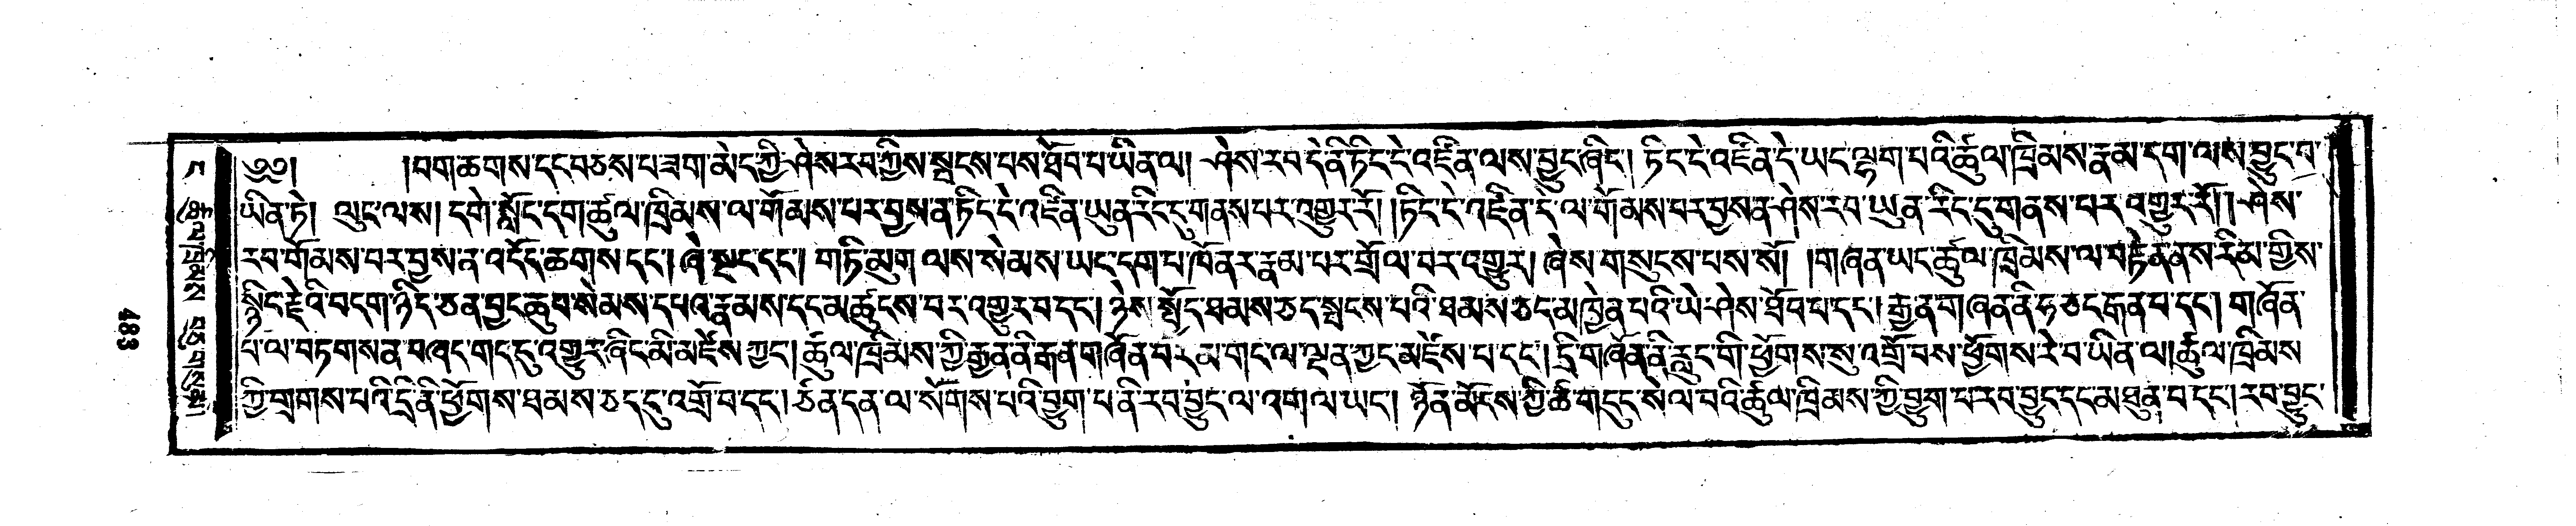༄༅། །བག་ཆགས་དང་བཅས་པ་ཟག་མེད་ཀྱི་ཤེས་རབ་ཀྱིས་སྤངས་པས་ཐོབ་པ་ཡིན་ལ། ཤེས་རབ་དེ་ནི་ཏིང་ངེ་འཛིན་ལས་བྱུང་ཞིང་། ཏིང་ངེ་འཛིན་དེ་ཡང་ལྷག་པའི་ཚུལ་ཁྲིམས་རྣམ་དག་ལས་བྱུང་བ་
ཡིན་ཏེ། ལུང་ལས། དགེ་སློང་དག་ཚུལ་ཁྲིམས་ལ་གོམས་པར་བྱས་ན་ཏིང་ངེ་འཛིན་ཡུན་རིང་དུ་གནས་པར་འགྱུར་རོ། །ཏིང་ངེ་འཛིན་དེ་ལ་གོམས་པར་བྱས་ན་ཤེས་རབ་ཡུན་རིང་དུ་གནས་པར་འགྱུར་རོ། །ཤེས་
རབ་གོམས་པར་བྱས་ན་འདོད་ཆགས་དང་། ཞེ་སྡང་དང་། གཏི་མུག་ལས་སེམས་ཡང་དག་པ་ཁོ་ནར་རྣམ་པར་གྲོལ་བར་འགྱུར། ཞེས་གསུངས་པས་སོ། །གཞན་ཡང་ཚུལ་ཁྲིམས་ལ་བརྟེན་ནས་རིམ་གྱིས་
སྙིང་རྗེའི་བདག་ཉིད་ཅན་བྱང་ཆུབ་སེམས་དཔའ་རྣམས་དང་མཚུངས་པར་འགྱུར་བ་དང་། ཉེས་སྤྱོད་ཐམས་ཅད་སྤངས་པའི་ཐམས་ཅད་མཁྱེན་པའི་ཡེ་ཤེས་ཐོབ་པ་དང་། རྒྱན་གཞན་ནི་ཧ་ཅང་རྒན་པ་དང་། གཞོན་
པ་ལ་བཏགས་ན་བཞད་གད་དུ་འགྱུར་ཞིང་མི་མཛེས་ཀྱང་། ཚུལ་ཁྲིམས་ཀྱི་རྒྱན་ནི་རྒན་གཞོན་པར་མ་གང་ལ་ལྡན་ཀྱང་མཛེས་པ་དང་། དྲི་གཞན་ནི་རླུང་གི་ཕྱོགས་སུ་འགྲོ་བས་ཕྱོགས་རེ་བ་ཡིན་ལ། ཚུལ་ཁྲིམས་
ཀྱི་གྲགས་པའི་དྲི་ནི་ཕྱོགས་ཐམས་ཅད་དུ་འགྲོ་བ་དང་། ཙན་དན་ལ་སོགས་པའི་བྱུག་པ་ནི་རབ་བྱུང་ལ་འགལ་ཡང་། ཉོན་མོངས་ཀྱི་ཚ་གདུང་སེལ་བའི་ཚུལ་ཁྲིམས་ཀྱི་བྱུག་པ་རབ་བྱུང་དང་མཐུན་པ་དང་། རབ་བྱུང་